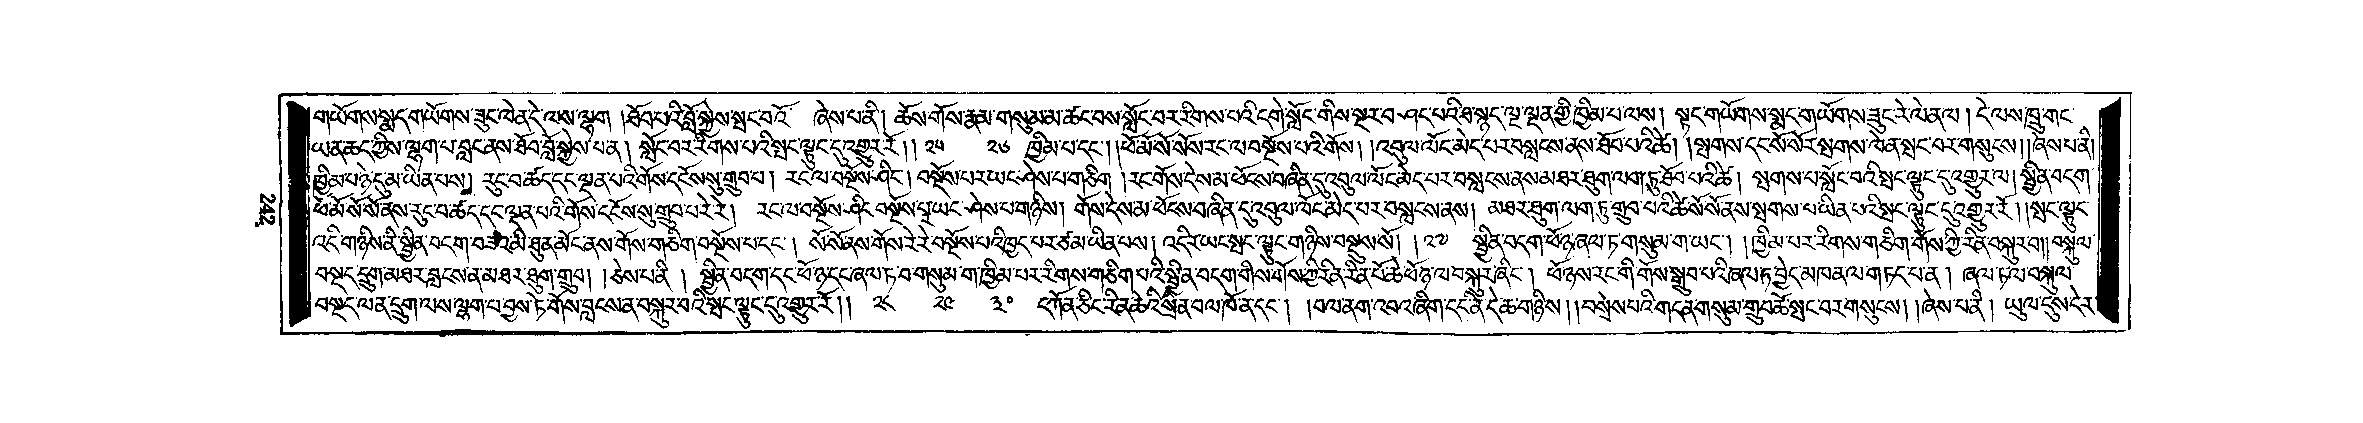གཡོགས་སྨད་གཡོགས་ཟུང་ལེན་དེ་ལས་ལྷག །ཐོབ་པའི་བློ་སྐྱེས་སྤང་བའོ་ཞེས་པ་ནི། ཆོས་གོས་རྣམ་གསུམ་མ་ཚང་བས་སློང་བར་རིགས་པའི་དགེ་སློང་གིས་སྔར་བཤད་པའི་ཐ་སྙད་ལྔ་ལྡན་གྱི་ཁྱིམ་པ་ལས། སྟད་གཡོགས་སྨད་གཡོགས་ཟུང་རེ་ལེན་ལ། དེ་ལས་ཁྲུ་གང་
ཡན་ཆད་ཀྱིས་ལྷག་པ་བླང་ནས་ཐོབ་བློ་སྐྱེས་པ་ན། སློང་བར་རིགས་པའི་སྤང་ལྟུང་དུ་འགྱུར་རོ། །ཁྱིམ་པ་དང་། །ཕོ་མོ་སོ་སོས་རང་ལ་བསྔོས་པའི་གོས། །འབུལ་ལོང་མེད་པར་བསླངས་ནས་ཐོབ་པའི་ཚེ། །སྤགས་དང་སོ་སོར་སྤགས་ལེན་སྤང་བར་གསུངས། །ཞེས་པ་ནི།
ཁྱིམ་པ་ཉེ་དུ་མ་ཡིན་པས། རུང་བ་ཚད་དང་ལྡན་པའི་གོས་དངོས་སུ་གྲུབ་པ། རང་ལ་བསྔོས་ཤིང་། བསྡོས་པར་ཡང་ཤེས་པ་གཅིག །རང་གོས་དེས་མ་ཕོངས་བཞིན་དུ་འབུལ་ལོང་མེད་པར་བསླངས་ནས་མཐར་ཐུག་ལག་ཏུ་ཐོབ་པའི་ཚེ། སྤགས་པ་སློང་བའི་སྤང་ལྟུང་དུ་འགྱུར་ལ། སྦྱིན་བདག་
ཕ་མོ་སོ་སོ་ནས་རུང་བ་ཚད་དང་ལྡན་པའི་གོས་དངོས་སུ་གྲུབ་པ་རེ་རེ། རང་ལ་བསྔོས་ཤིང་བསྔོས་པར་ཡང་ཤེས་པ་གཉིས། གོས་དེས་མ་ཕོངས་བཞིན་དུ་འབུལ་ལོང་མེད་པར་བསླངས་ནས། མཐར་ཐུག་ལག་ཏུ་གྲུབ་པའི་ཚེ་སོ་སོ་ནས་སྤགས་པ་ཡིན་པའི་སྤང་ལྟུང་དུ་འགྱུར་རོ། །སྤང་ལྟུང་
འདི་གཉིས་ནི་སྦྱིན་བདག་བཟའ་མི་ཐུན་མོང་ནས་གོས་གཅིག་བསྔོས་པ་དང་། སོ་སོ་ནས་གོས་རེ་རེ་བསྔོས་པའི་ཁྱད་པར་ཙམ་ཡིན་པས། འདིར་ཡང་སྤང་ལྟུང་གཉིས་བསྡུས་སོ། །སྦྱིན་བདག་ཕོ་ཉ་ཞལ་ཏ་གསུམ་ག་ཡང་། །ཁྱིམ་པར་རིགས་གཅིག་གོས་ཀྱི་རིན་བསྐུར་བ། །བསྐུལ་
བསྡད་དྲུག་མཐར་བླངས་ན་མཐར་ཐུག་གྲུབ། །ཅེས་པ་ནི། སྦྱིན་བདག་དང་ཕོ་ཉ་དང་ཞལ་ཏ་བ་གསུམ་ག་ཁྱིམ་པར་རིགས་གཅིག་པའི་སྦྱིན་བདག་གིས་གོས་ཀྱི་རིན་རིན་པོ་ཆེ་ཕོ་ཉ་ལ་བསྐུར་ཞིང་། ཕོ་ཉས་རང་གི་གོས་སྒྲུབ་པའི་ཞལ་ཏ་བྱེད་མཁན་ལ་གཏད་པ་ན། ཞལ་ཏ་ལ་བསྐུལ་
བསྡད་ལན་དྲུག་ལས་ལྷག་པ་བྱས་ཏེ་གོས་བླངས་ན་བསྐུར་བའི་སྤང་ལྟུང་དུ་འགྱུར་རོ། །དཀོན་ཅིང་རིན་ཆེའི་སྲིན་བལ་ཁོ་ན་དང་། །བལ་ནག་འབའ་ཞིག་དང་ནི་དེ་ཆ་གཉིས། །བསྲེས་པའི་གདན་གསུམ་གྲུབ་ཚེ་སྤང་བར་གསུངས། །ཞེས་པ་ནི། ཡུལ་དུས་དེར་